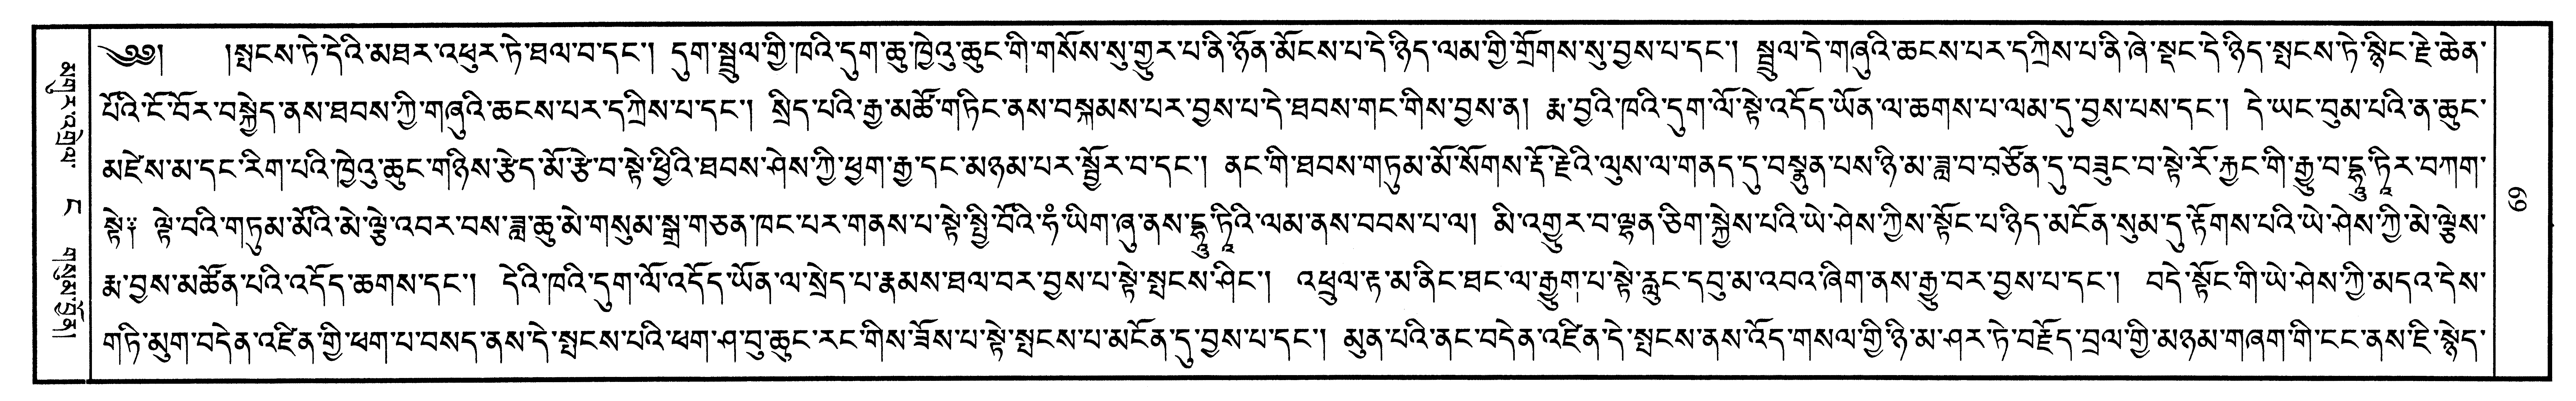༄༅། །སྤངས་ཏེ་དེའི་མཐར་འཕུར་ཏེ་ཐལ་བ་དང་། དུག་སྦྲུལ་གྱི་ཁའི་དུག་ཆུ་ཁྱེའུ་ཆུང་གི་གསོས་སུ་གྱུར་པ་ནི་ཉོན་མོངས་པ་དེ་ཉིད་ལམ་གྱི་གྲོགས་སུ་བྱས་པ་དང་། སྦྲུལ་དེ་གཞུའི་ཆངས་པར་དཀྲིས་པ་ནི་ཞེ་སྡང་དེ་ཉིད་སྤངས་ཏེ་སྙིང་རྗེ་ཆེན་
པོའི་ངོ་བོར་བསྐྱེད་ནས་ཐབས་ཀྱི་གཞུའི་ཆངས་པར་དཀྲིས་པ་དང་། སྲིད་པའི་རྒྱ་མཚོ་གཏིང་ནས་བསྐམས་པར་བྱས་པ་དེ་ཐབས་གང་གིས་བྱས་ན། རྨ་བྱའི་ཁའི་དུག་ལོ་སྟེ་འདོད་ཡོན་ལ་ཆགས་པ་ལམ་དུ་བྱས་པས་དང་། དེ་ཡང་བུམ་པའི་ན་ཆུང་
མཛེས་མ་དང་རིག་པའི་ཁྱེའུ་ཆུང་གཉིས་རྩེད་མོ་རྩེ་བ་སྟེ་ཕྱིའི་ཐབས་ཤེས་ཀྱི་ཕྱག་རྒྱ་དང་མཉམ་པར་སྦྱོར་བ་དང་། ནང་གི་ཐབས་གཏུམ་མོ་སོགས་རྡོ་རྗེའི་ལུས་ལ་གནད་དུ་བསྣུན་པས་ཉི་མ་ཟླ་བ་བཙོན་དུ་བཟུང་བ་སྟེ་རོ་རྐྱང་གི་རྒྱུ་བ་དྷཱུ་ཏཱིར་བཀག་
སྟེ༑ ལྟེ་བའི་གཏུམ་མོའི་མེ་ལྕེ་འབར་བས་ཟླ་ཆུ་མེ་གསུམ་སྒྲ་གཅན་ཁང་པར་གནས་པ་སྟེ་སྤྱི་བོའི་ཧཾ་ཡིག་ཞུ་ནས་དྷཱུ་ཏཱིའི་ལམ་ནས་བབས་པ་ལ། མི་འགྱུར་བ་ལྷན་ཅིག་སྐྱེས་པའི་ཡེ་ཤེས་ཀྱིས་སྟོང་པ་ཉིད་མངོན་སུམ་དུ་རྟོགས་པའི་ཡེ་ཤེས་ཀྱི་མེ་ལྕེས་
རྨ་བྱས་མཚོན་པའི་འདོད་ཆགས་དང་། དེའི་ཁའི་དུག་ལོ་འདོད་ཡོན་ལ་སྲེད་པ་རྣམས་ཐལ་བར་བྱས་པ་སྟེ་སྤངས་ཤིང་། འཕྲུལ་རྟ་མ་ནིང་ཐང་ལ་རྒྱུག་པ་སྟེ་རླུང་དབུ་མ་འབའ་ཞིག་ནས་རྒྱུ་བར་བྱས་པ་དང་། བདེ་སྟོང་གི་ཡེ་ཤེས་ཀྱི་མདའ་དེས་
གཏི་མུག་བདེན་འཛིན་གྱི་ཕག་པ་བསད་ནས་དེ་སྤངས་པའི་ཕག་ཤ་བུ་ཆུང་རང་གིས་ཟོས་པ་སྟེ་སྤངས་པ་མངོན་དུ་བྱས་པ་དང་། མུན་པའི་ནང་བདེན་འཛིན་དེ་སྤངས་ནས་འོད་གསལ་གྱི་ཉི་མ་ཤར་ཏེ་བརྗོད་བྲལ་གྱི་མཉམ་གཞག་གི་ངང་ནས་ཇི་སྙེད་